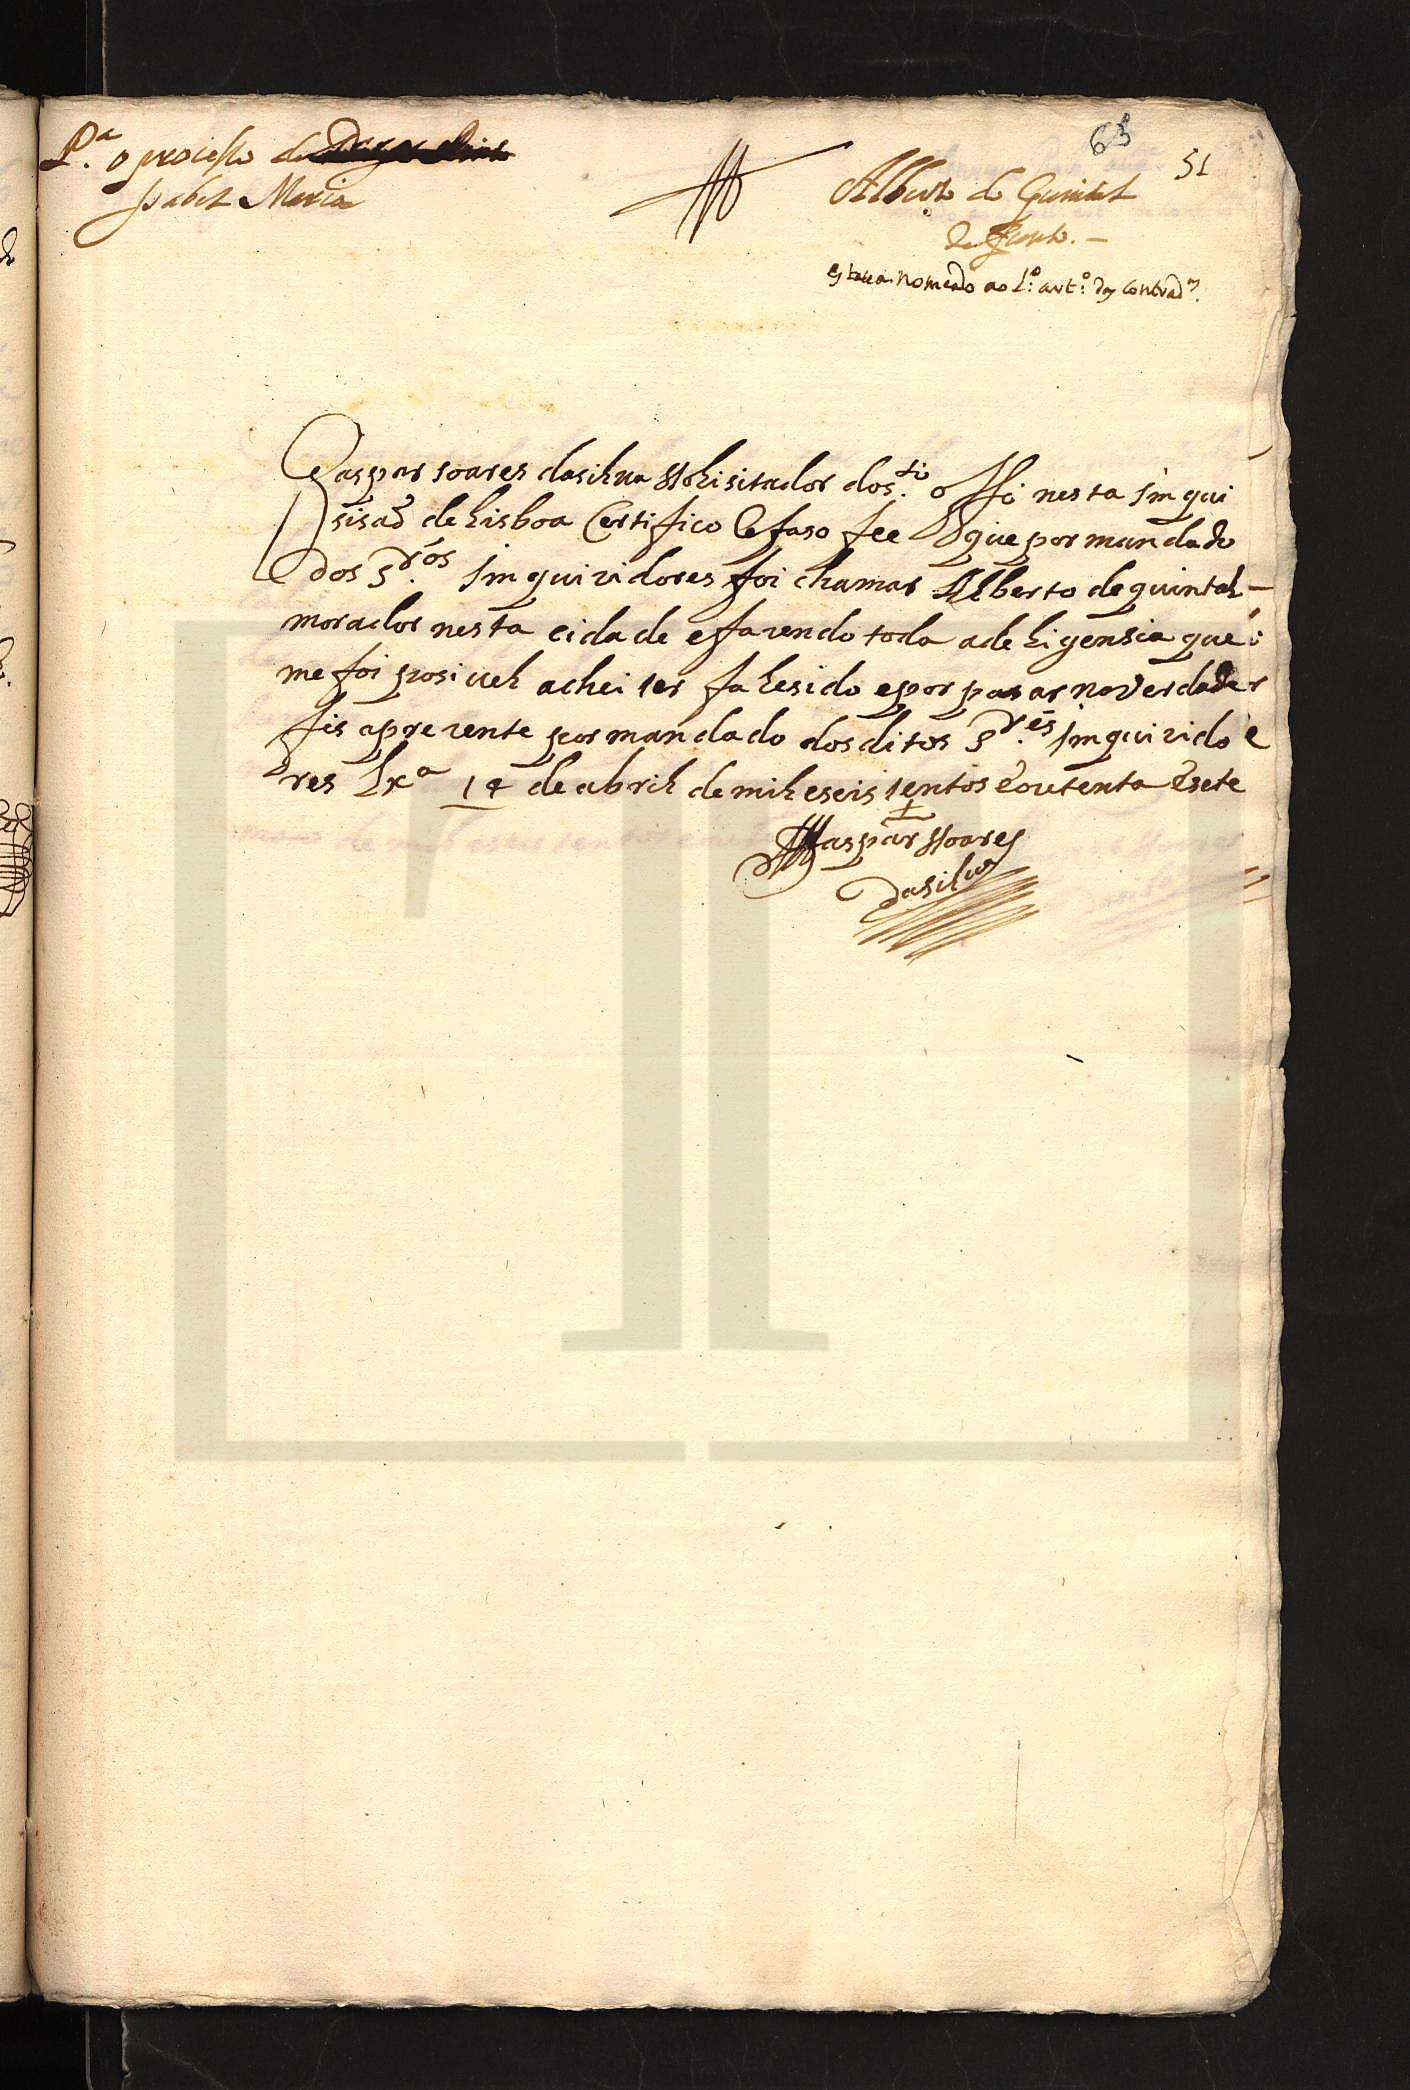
P.a o processo de ____ Pinto
Jsabel Maria
Alberto do Quintal
defunto.
estaua nomeado ao 1:o art.o das contradas.
Gaspar soares da silua ssolisitador do s.to offo nesta Imqui
sisaõ de lisboa Certifico E faso fee que por mandado
dos s.rēs Jmquizidores foi chamar Alberto de quintal
morador nesta cidade e fazendo toda a deligensia que
me foi posiuel achei ser falesido e por pasar na verdade
fis a prezente por mandado dos ditos S.res̄ Imquizido
res Lxa 14 de abril de mil e seissentos e outenta e sete
